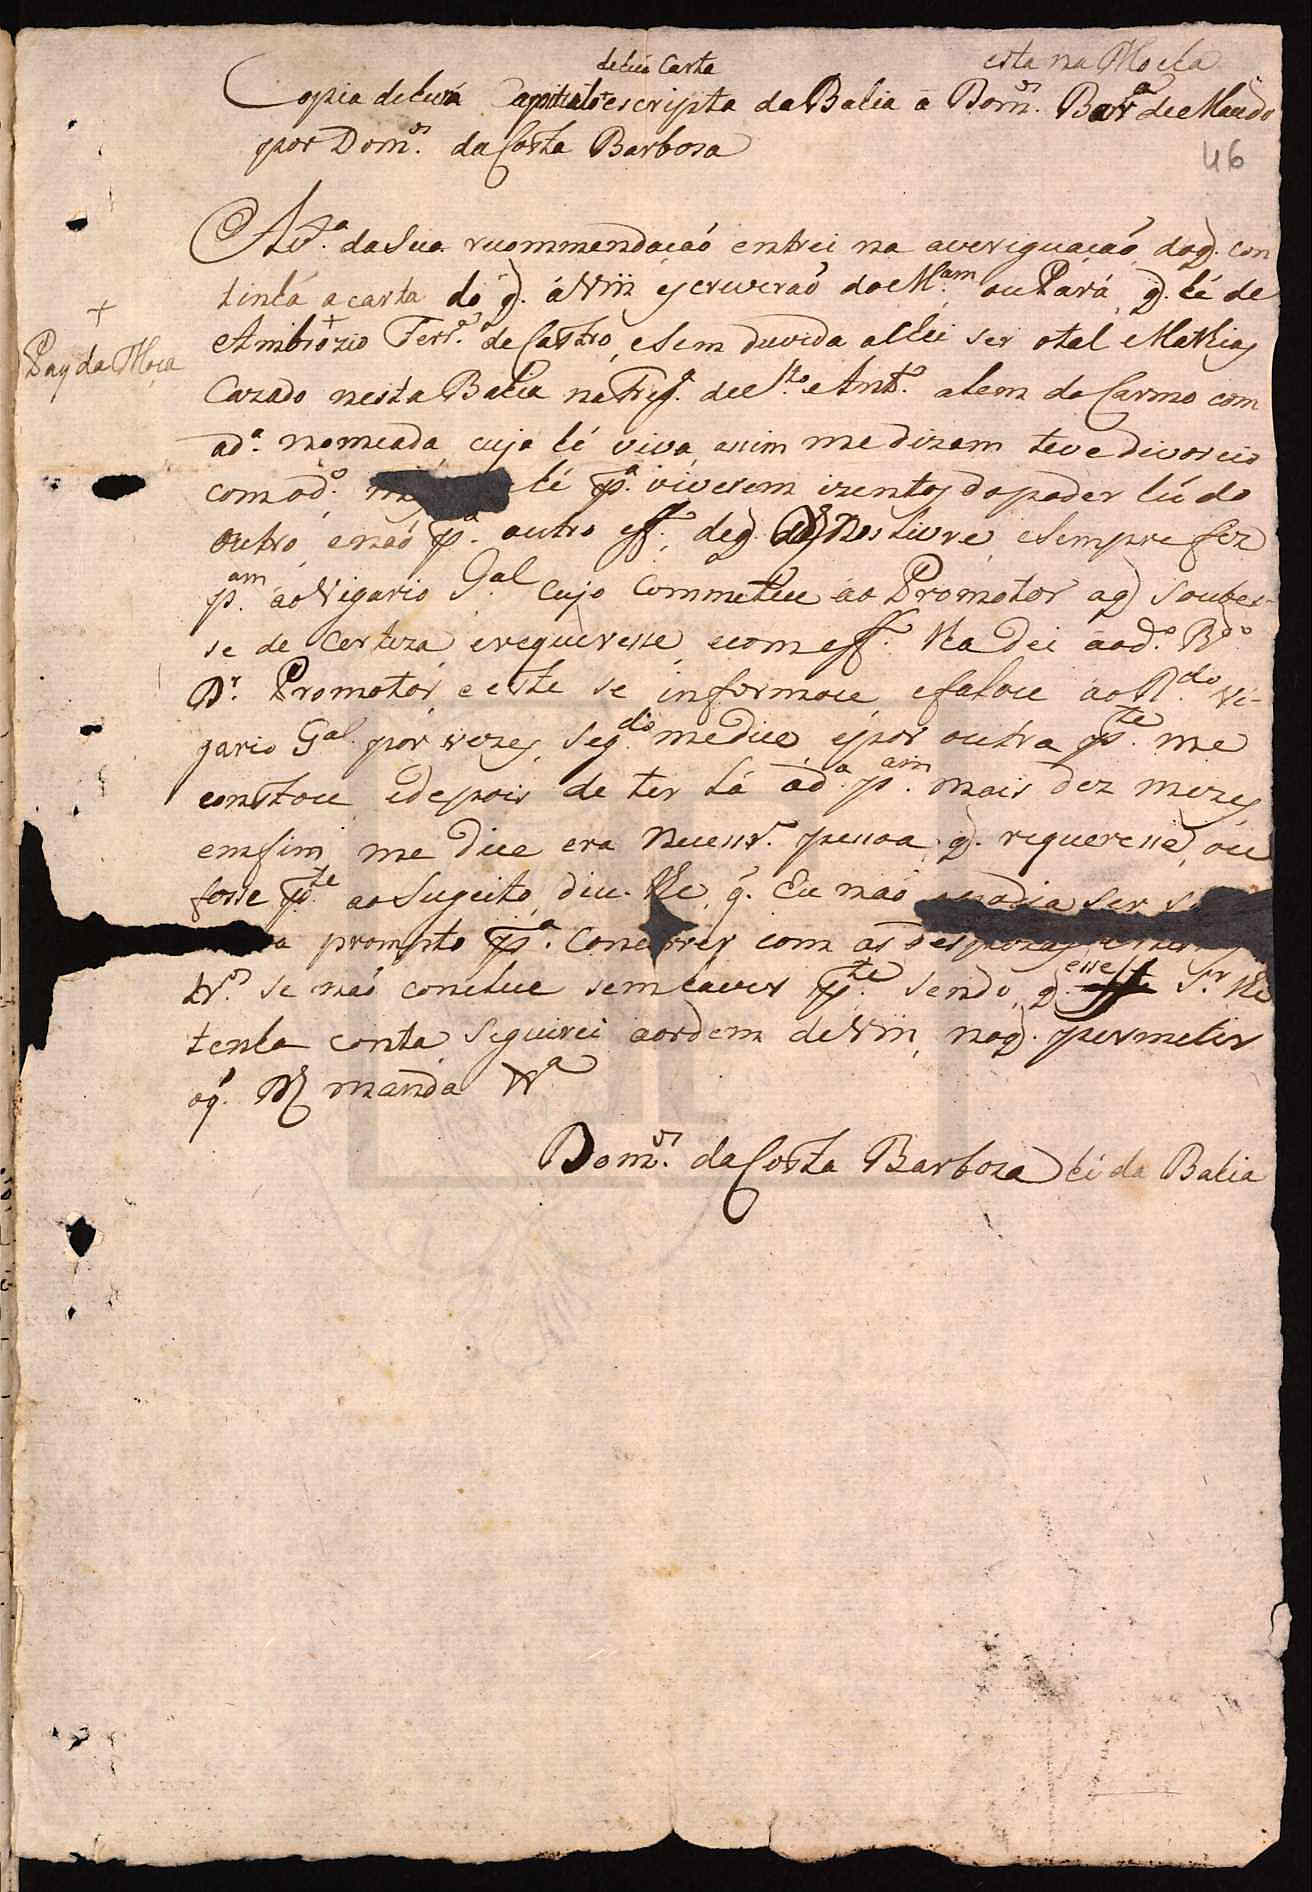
esta na Mocha
Copia de hum Capitulo
de hūa carta
escripta da Bahia à Dom.os Bara de Macedo
por Dom.os da Costa Barbosa
A v.ta da sua recommendaçaõ entrei na averiguaçaõ do q̄ con
tinha a carta do q̄ á Vm̄ escreveraõ do M.am ou Pará, q̄ hé de
Ambrozio Ferr.a de Castro, e sem duvida achei ser o tal Mathias
Pay da Moça
cazado nesta Bahia na Freg.a de S.to Ant.o alem do Carmo com
a d.a nomeada cuja hé viva, assim me dizem teve divorcio
com o d.o _ hé p.a viverem izentos do poder hū do
outro, e naõ p.a outro eff.o de q̄ Ds̄ nos livre, e sempre fez
p.am áo Vigario G.al cujo commeteu áo Promotor a q̄ soubes
se de certeza e requeresse e com eff.o lha dei ao d.o Rdo
D.r Promotor, e este se informou, e falou ao R.do Vi
gario Gal por vezes, seg.do me dice e por outra p.te me
constou e depois de ter Lá a d.a p.am mais dez mezes
emfim me dice era necessr.o pessoa, q̄ requeresse, ou
fosse pte ao sugeito, dice-lhe q̄ Eu naõ a _odia ser
_a prompto p.a conc_rrer com as despezas
tr.os se naõ conclue sem haver p.te sendo q̄
esse
S.r lhe
tenha conta seguirei a ordem de Vm, no q̄ permetir
o q̄ Ds̄ manda &a
Dom.os da Costa Barboza hé da Bahia
